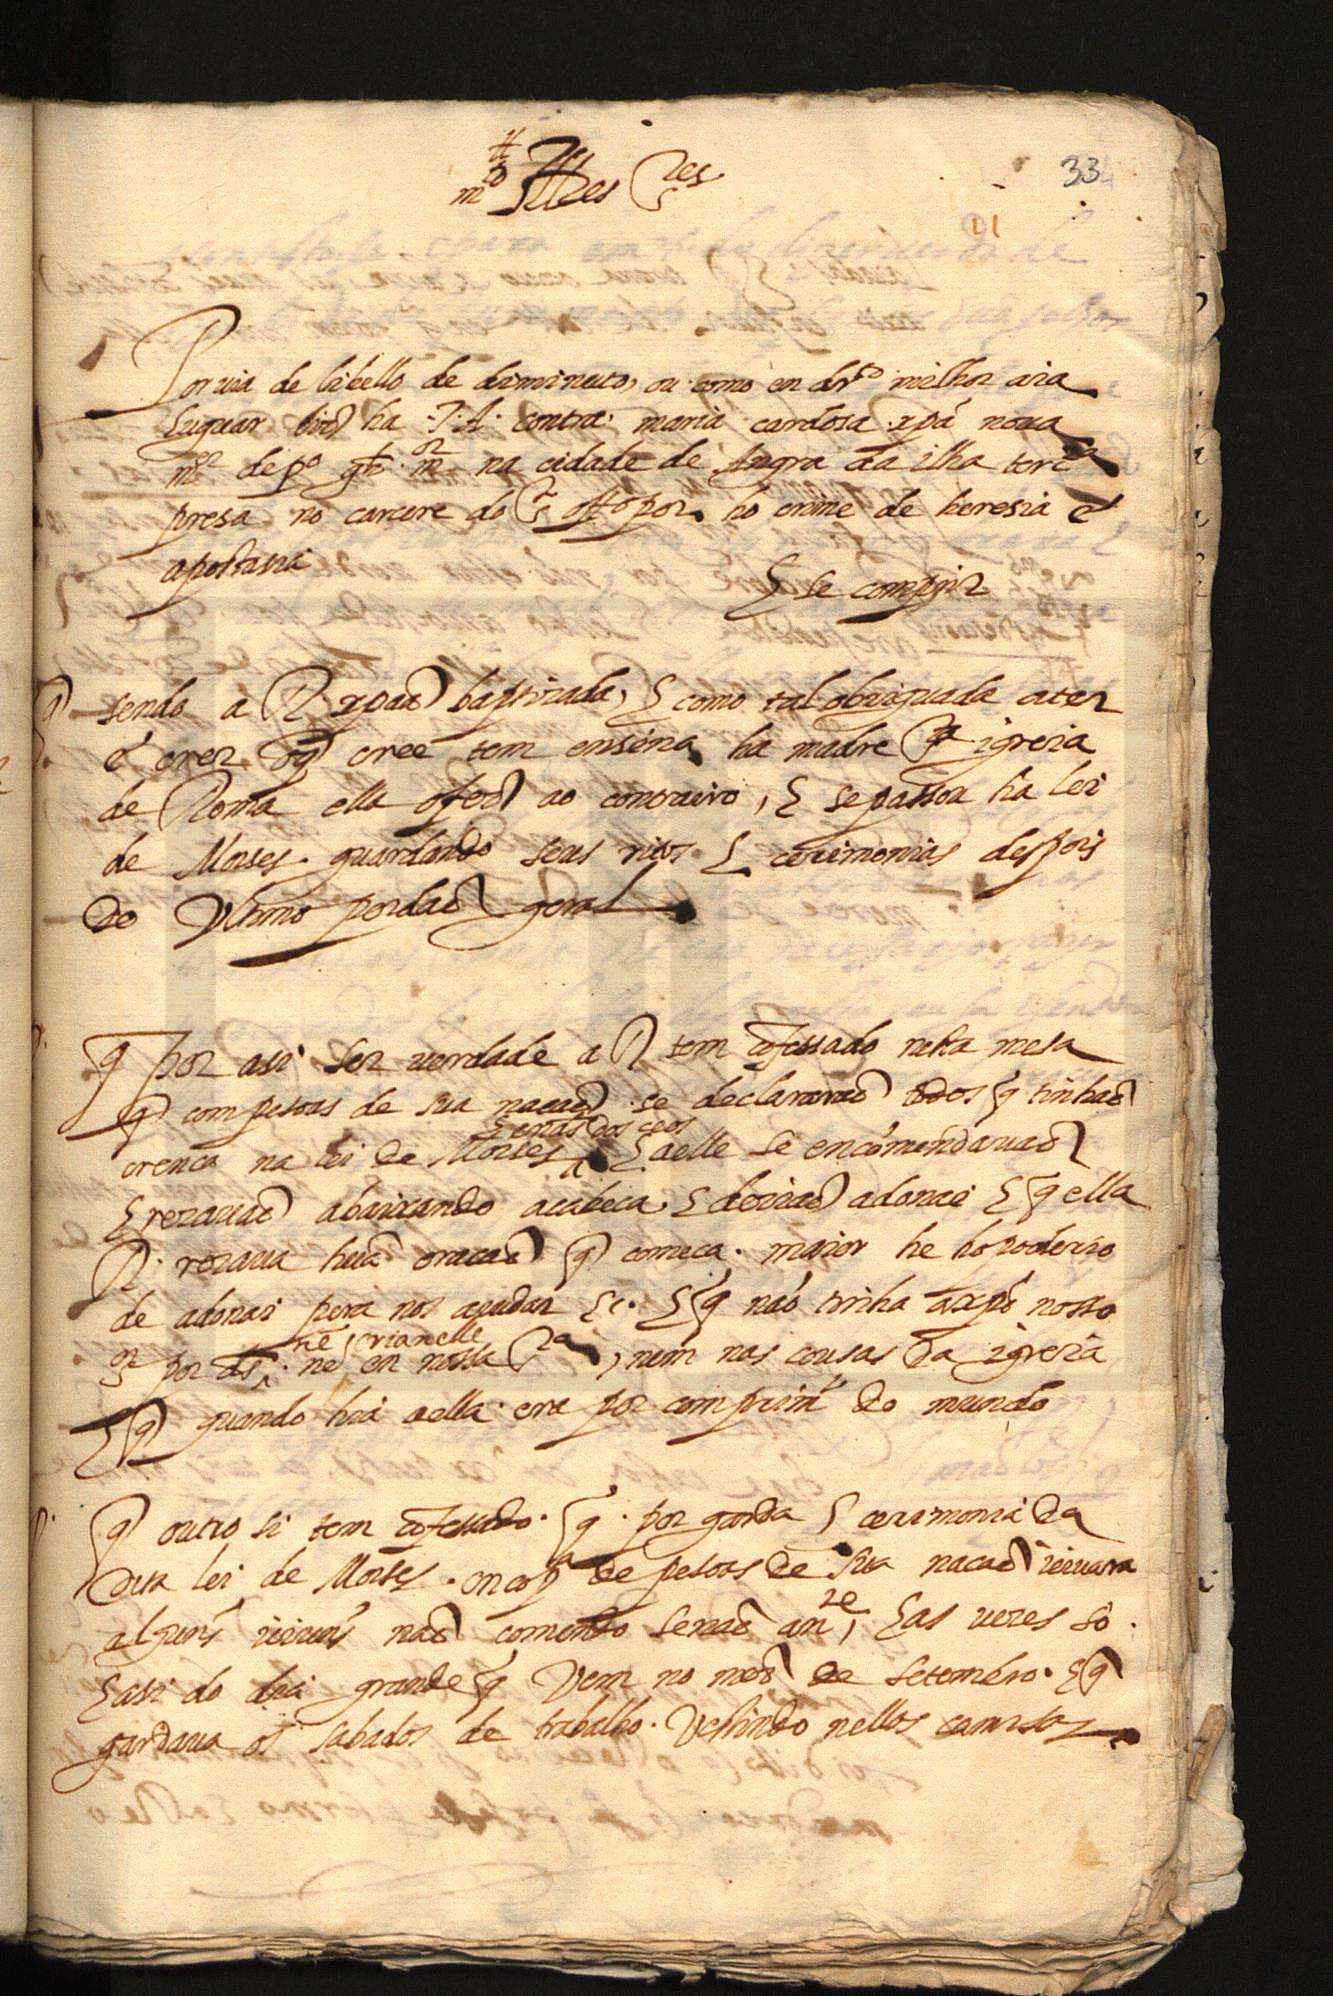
mto Il̄lres sres
Por uia de libello de diminuto, ou como en drto milhor aia
luguar diz a .J. A. contra. maria cardosa. xpā noua
mer de po gl̄z. mor na cidade de Angra da ilha tercra
presa no carcere do sto offo por ho crime de heresia e
apostasia
E se comprir
q̄ sendo a R. xpaā baptizada, E como tal obriguada a ter
e crer o q̄ cree tem ensina ha madre sta igreia
de Roma ella o fez ao contrairo, E se passou ha lei
de Moises. guardando seus ritos E cerimonias despois
do Vltimo perdaõ geraL
q̄ por asi ser uerdade a R tem cōfessado nesta mesa
q̄ com pesoas de sua nacaõ se declararaõ todos q̄ tinhaõ
crenca na lei de Moises
E en d̄s dos ceos
E a elle se encōmendauaõ
E rezauaõ abaixando a cabeca E deziaõ adonai E q̄ ella
R. rezaua huā oracaõ q̄ comeca. maior he ho poderio
de adonai pera nos aiudar Ec. E q̄ naõ tinha a xpō nosso
sor por d̄s.
nē cria nelle
nē en nossa sra, nem nas cousas da igreia
E q̄ quando hia a ella. era por comprimto do mundo
p. q̄ outrosi tem cōfessado. q̄. por garda E cerimonia da
dita lei de Moises. en copa de pesoas de sua nacaõ ieiuara
alguns̄ ieiuns̄ naõ comendo senaõ a nte, E as uezes só.
E asi do dia grande q̄ Vem no mez̄ de setembro. E q̄
gardaua os sabados de trabalho. Vestindo nellas camisas
